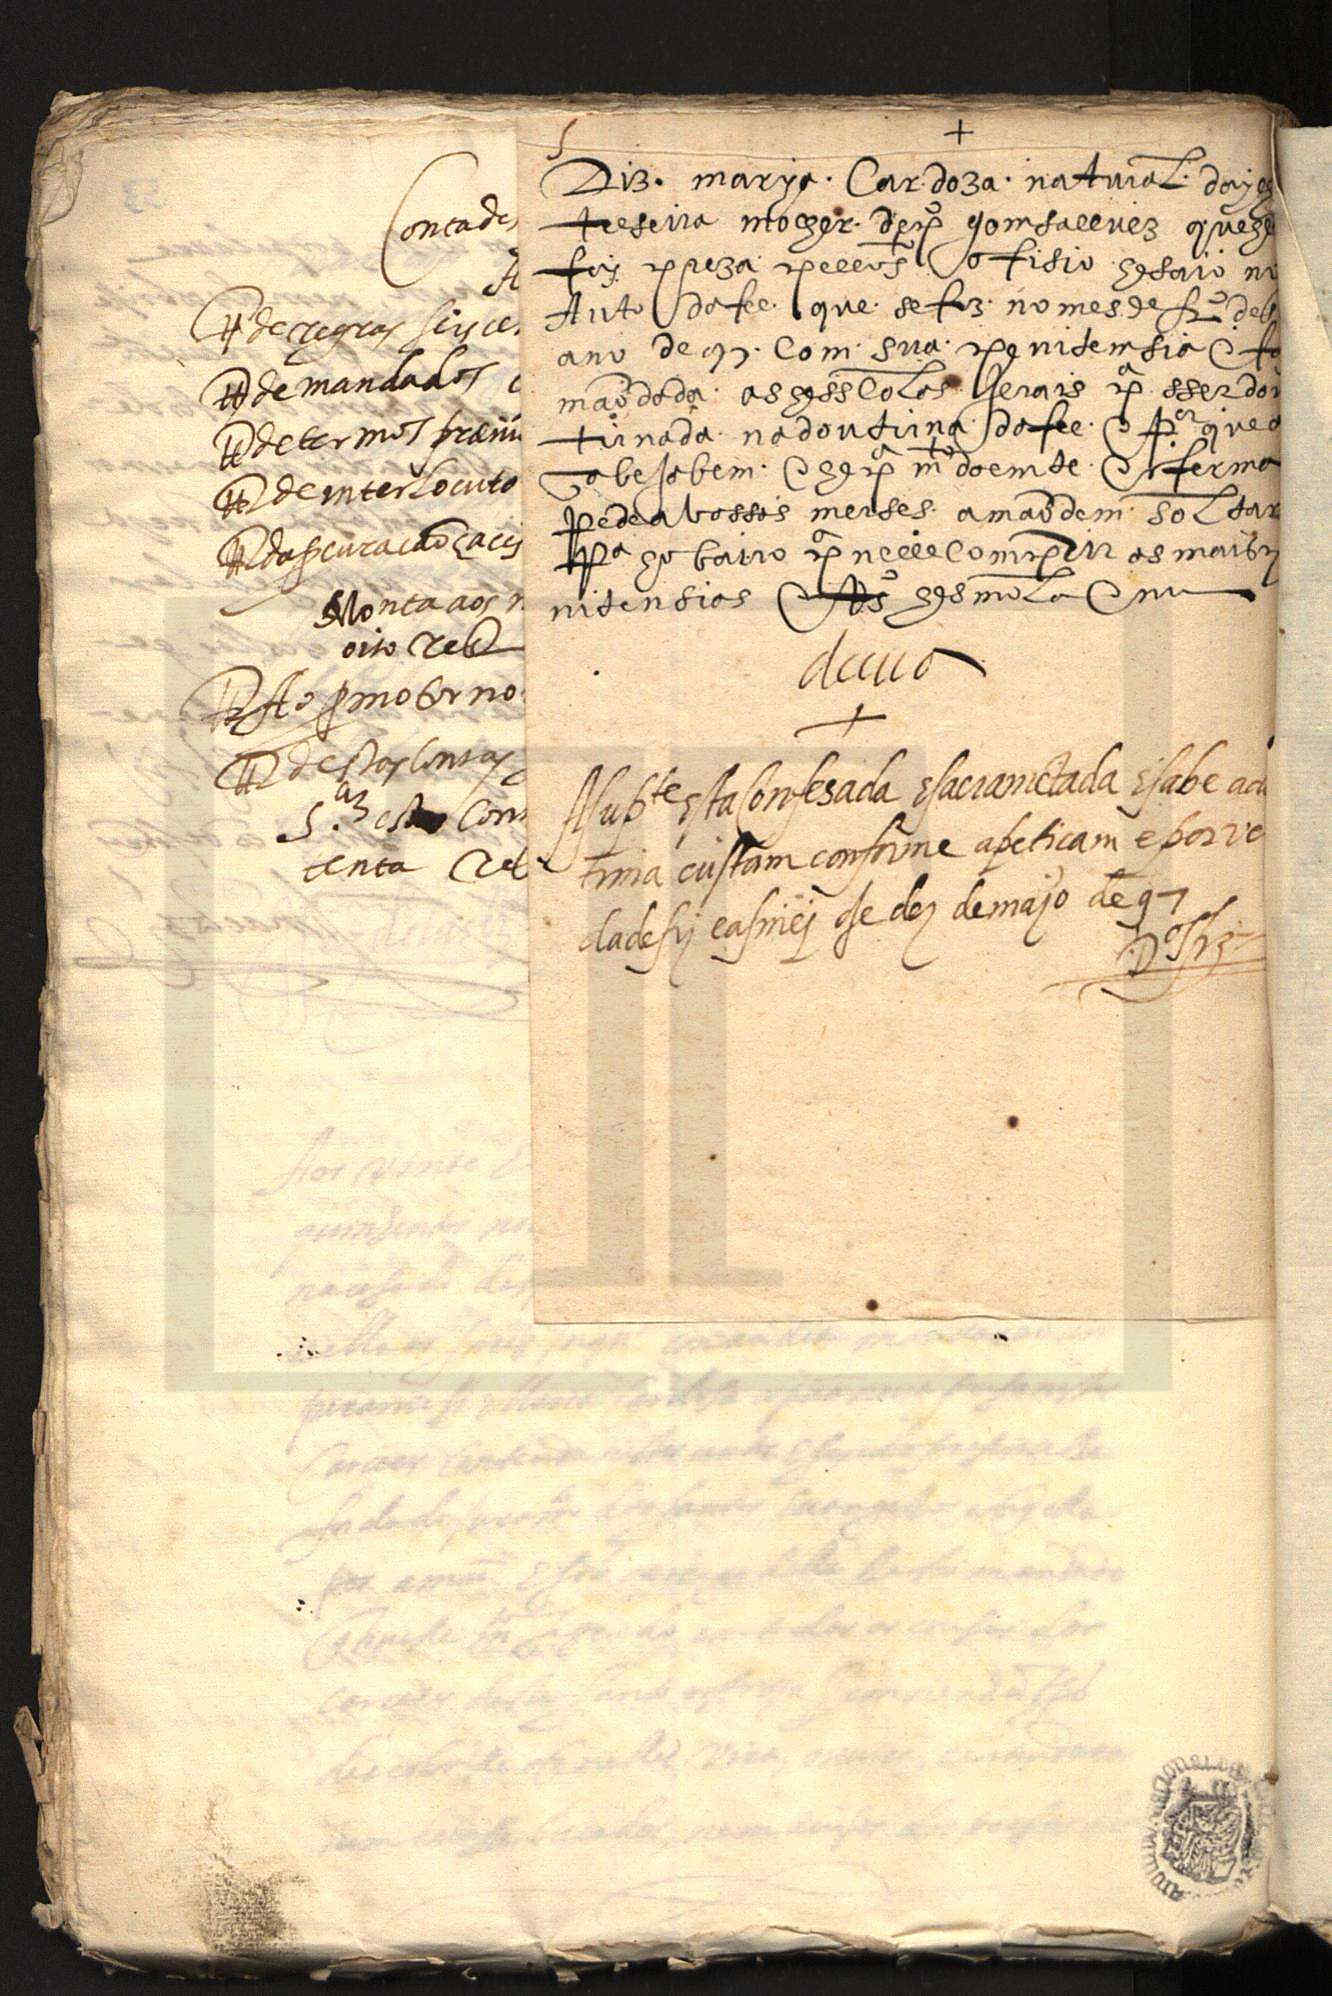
Diz. marya. Cardoza. naturaL. da ylh
treseira molher. de po gomsalluez que he
foy preza pello sto ofisio he saio no
Auto da fee que. se fez. no mes de fro des
ano de 97. com. sua. penitemsia e fo
mãodada as hescoLas Jerais pa sser do
trinada na doutrina da fee. e por que a
sabe Ja bem e he pa mto doemte e eferma
pede a vossas merses a mãodem soLtar
pa ho bairo pa nelle comprir as mais
nitensias e Rꝭo hesmoLa e mr
de uia
A supte Esta Confesada E sacramētada E sabe a d
trina cristam conforme a petiçam e por ve
dade fiz e asinej oJe dez de majo de 97
